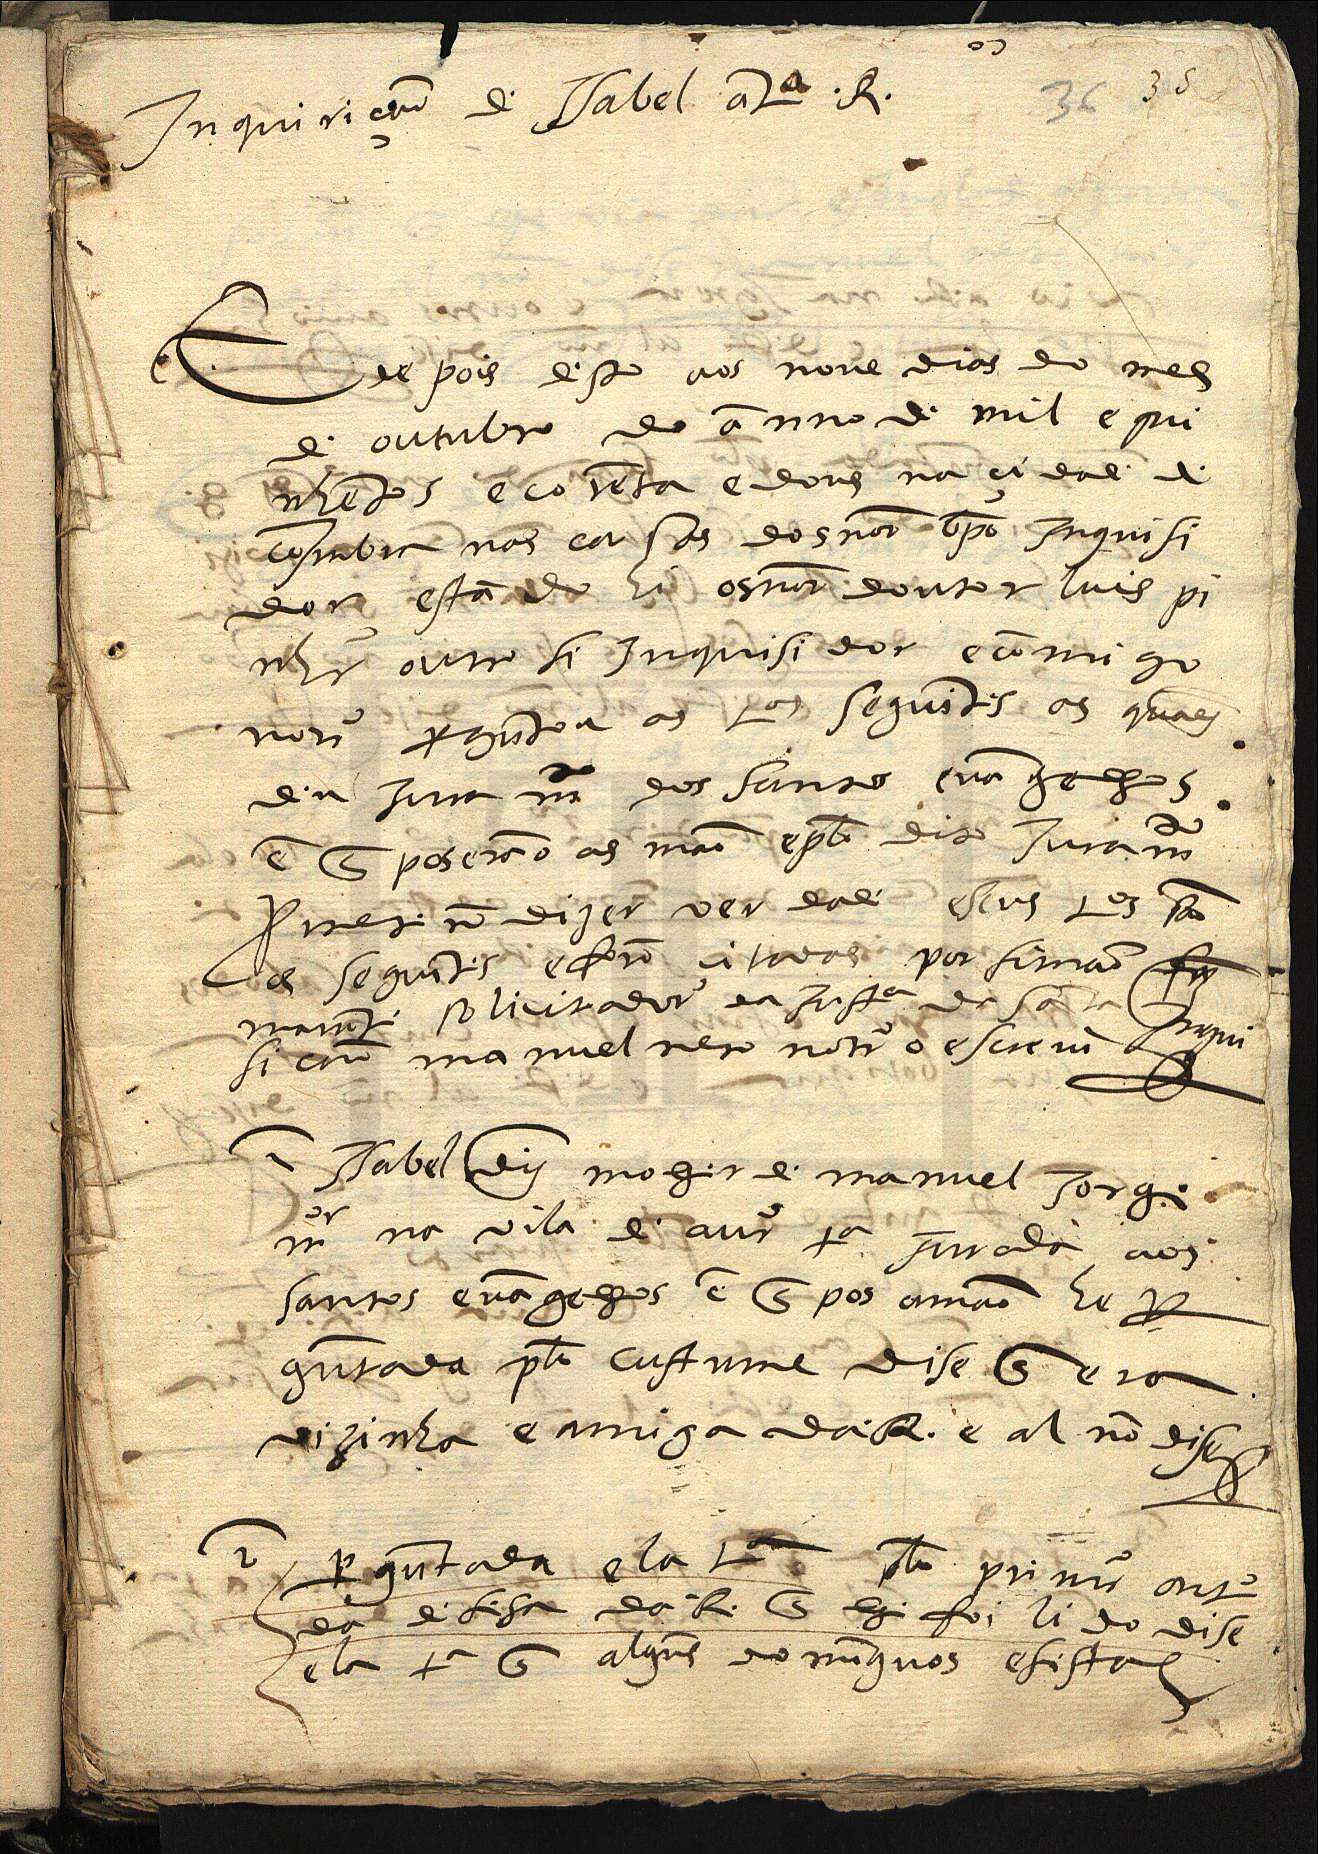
Jnquirição de Jsabel āta .R.
E depois desto aos noue dias do mes
de outubro do anno de mil e qui
nhētos e cor̄eta e dous na cidade de
coJmbra nas casas do sn̄or b̄po Jnquisi
dos estādo hi o sn̄or doutor luis pi
nhro outrosi Jnquisidor e c̄omigo
notro ꝑgūtou as tas seguītes as quaes
deu Juramto dos Santos euāgelhos
ē q̄ poserão as mão e p̄lo dito Juramto
ꝓmeter̄o dizer verdade e seus tos são
os seguītes e forō citadas por simão f̄rz
marāte solicitador da Justa da sāta Jnqui
sição manuel neto notro o escreui
item Jsabel d̄iz molher de manuel Jorge
mor na vila de auro ta Jurada aos
Santos euāgelhos ē q̄ pos a mão he ꝑ
gūtada p̄lo custume dise q̄ era
vizinha e amiga da .R. e al nō dise
item ꝑgūtada ela ta p̄lo primro arto
da defesa da R. q̄ lhe foi lido dise
ela ta q̄ algūs domīguos e festas
